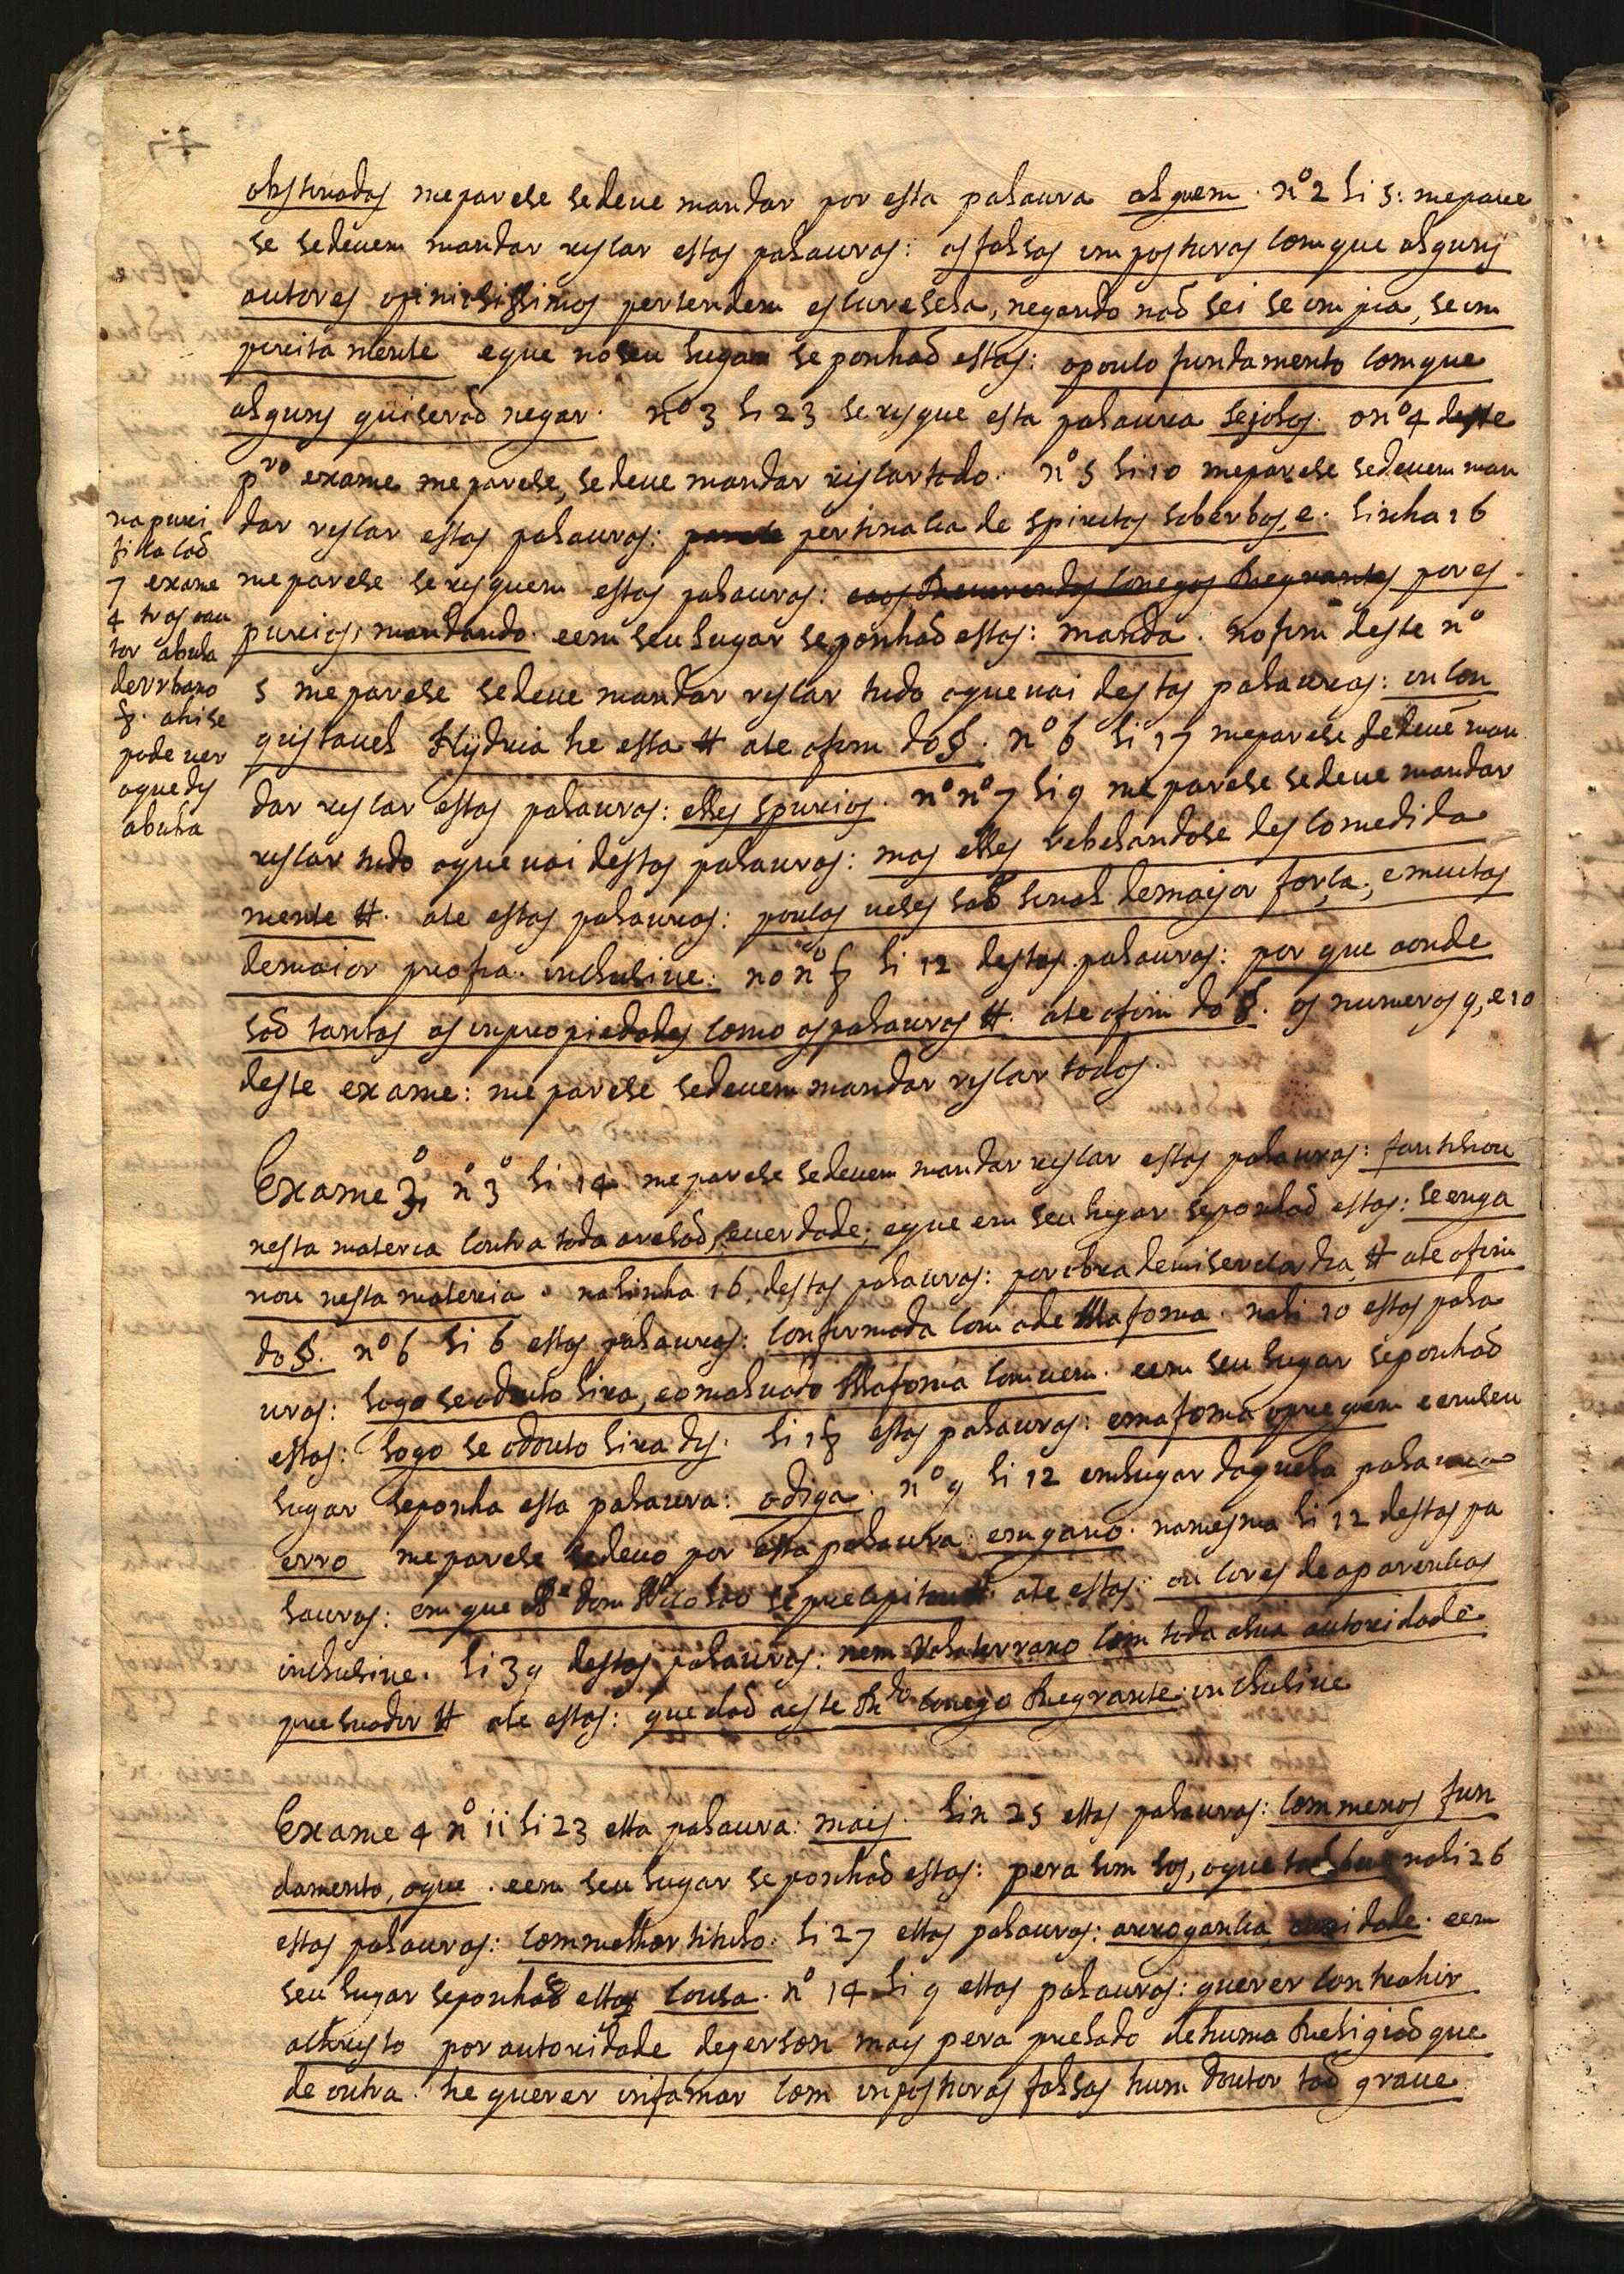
obstinadas me parese se deue mandar por esta palaura alguem. no 2 Li 5: me pare
se se deuem mandar riscar estas palauras: as falsas imposturas com que alguns
autores opiniosissimos pertendem escuresela, negando naõ sei se impia, se im
peritamente e que no seu lugar se ponhaõ estas: o pouco fundamento com que
alguns quiseraõ negar. no 3 li 23 se risque esta palaura sejolos. o no 4 deste
pro exame me parese, se deue mandar riscar todo. no 5 li 10 me parese se deuem man
dar riscar estas palauras: parese pertinacia de spiritos soberbos, e. linha 16
na puri
ficaçaõ
7 exame
4 tras o au
tor a bula
de vrbano
8. ahi se
pode uer
o que dis
a bula
me parese se risquem estas palauras: e aos Reuerendos Conegos Regrantes por es
purios mandando e em seu lugar se ponhaõ estas: manda no fim deste no
5 me parese se deue mandar riscar tudo a que uai destas palauras: incon
quistauel Hydria he esta tt ate o fim do §. no 6 li 17 me parese se deuē man
dar riscar estas palauras: elles spurios. no no 7 li 9 me parese se deue mandar
riscar tudo o que uai destas palauras: mas elles rebelandose descomedida
mente tt. ate estas palauras: poucas ueses saõ sinal de mayor força; e muitas
de maior profia inclusiue no no 8 li 12 destas palauras: porque aonde
saõ tantas as inpropiedades como as palauras tt. ate o fim do 8. os numeros 9, e 10
deste exame: me parese se deuem mandar riscar todos.
Exame 3o no 3o li 14 me parese se deuem mandar riscar estas palauras: fantisiou
nesta materia contra toda a resaõ, e uerdade; e que em seu lugar se ponhaõ estas: se enga
nou nesta materia na linha 16 destas palauras: por obra de misericordia, tt ate o fim
do §. no 6 li 6 estas palauras: confirmada com a de Mafoma na li 10 estas pala
uras: logo se o douto lira, e o maluado Mafoma comuem. e em seu lugar se ponhaõ
estas: logo se o douto lira dis li 18 estas palauras e mafoma o preguem e em seu
lugar se ponha esta palaura: o diga. no 9 li 12 em lugar daquela palaura
erro me parese se deue por esta palaura emgano. na mesma li 12 destas pa
lauras: em que o Pe Dom Nicolao se precipitou tt. ate estas: ou cores de aparencias
inclusiue. li 39 destas palauras: nem Velaterrano com toda a sua autoridade
presuadio tt ate estas: que daõ a este Rdo conego Regrante inclusiue.
Exame 4 no 11 li 23 esta palaura: mais. li n 25 estas palauras: com menos fun
damento, o que. e em seu lugar se ponhaõ estas: pera sim sos, o que taõbem na li 26
estas palauras: com melhor titulo. Li 27 estas palauras: arrogancia, _idade. e em
seu lugar se ponhaõ esta cousa. no 14 li 9 estas palauras: querer contrahir
a christo por autoridade de gerson mais pera prelado de huma Religiaõ que
de outra. he querer infamar com inposturas falsas hum Doutor taõ graue
